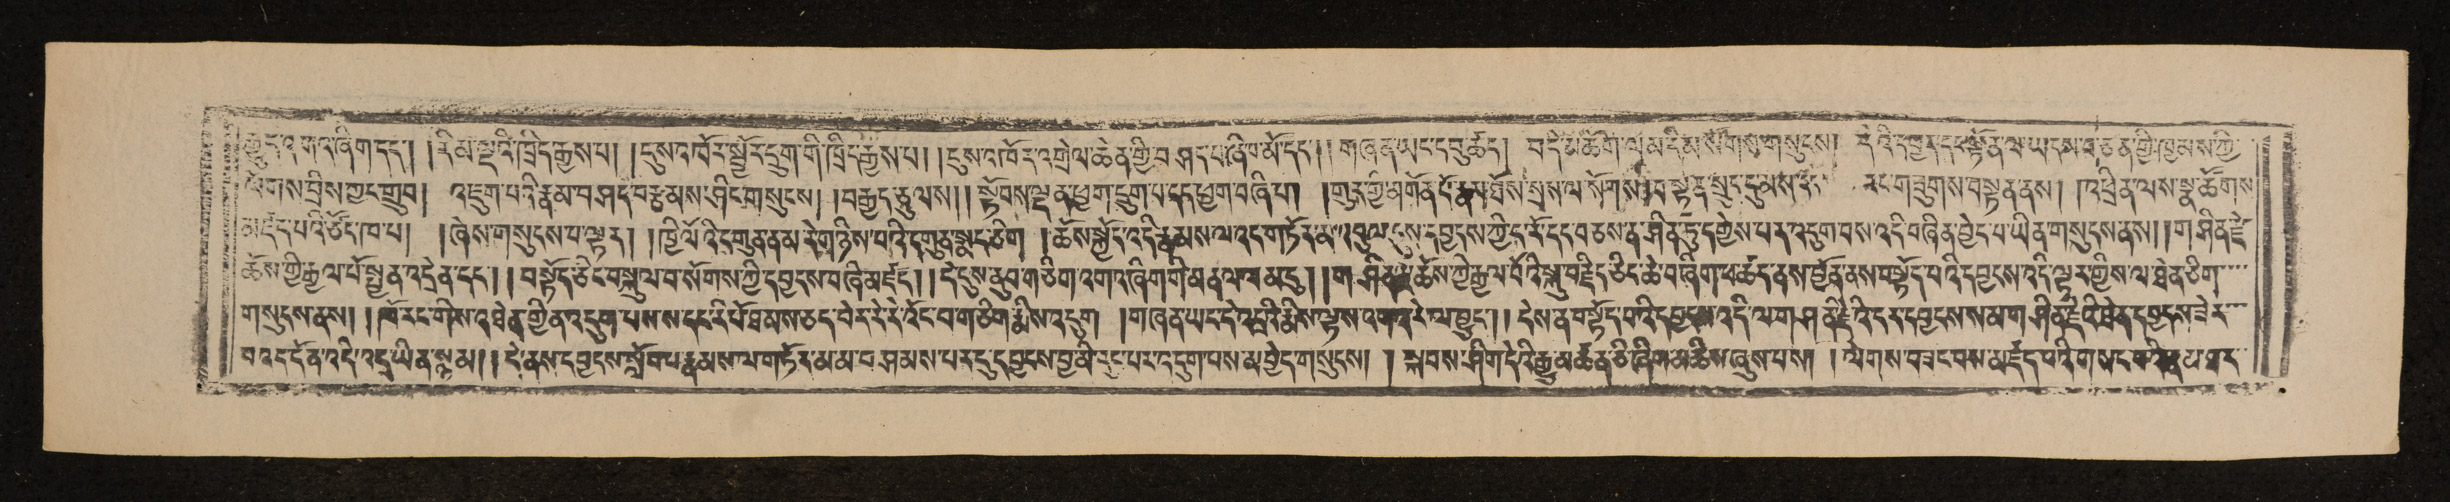རྒྱུད་འགའ་ཞིག་དང་། རིམ་ལྔའི་ཁྲིད་རྒྱས་པ། དུས་འཁོར་སྦྱོར་དྲུག་གི་ཁྲིད་རྒྱས་པ། དུས་འཁོར་འགྲེལ་ཆེན་གྱི་བཤད་པ་ཞིབ་མོ་དང་། གཞན་ཡང་དབུ་ཚད། བདེ་མཆོག་ལམ་རིམ་སོགས་གསུངས། དེའི་དབྱར་དང་སྟོན་ལ་ཡངས་པ་ཅན་གྱི་ཁྱམས་ཀྱི་
ལོགས་བྲིས་ཀྱང་གྲུབ། འཇུག་པའི་རྣམ་བཤད་བརྩམས་ཤིང་གསུངས། བརྒྱད་ཅུ་ལས། སྟོབས་ལྡན་ཕྱག་དྲུག་པ་དང་ཕྱག་བཞི་པ། །གུར་གྱི་མགོན་པོ་རྣམ་ཐོས་སྲས་ལ་སོགས། །བསྟན་སྲུང་དུ་མས་རང་རང་གཟུགས་བསྟན་ནས། །འཕྲིན་ལས་སྣ་ཚོགས་
མཛད་པའི་ཙོང་ཁ་པ། །ཞེས་གསུངས་པ་ལྟར། ཁྱི་ལོའི་དགུན་ནམ་རེ་གཉིས་པའི་དགུན་སྨད་ཅིག །ཆོས་སྐྱོང་འདི་རྣམས་ལའང་གཏོར་མ་འབུལ་དུས་དབྱངས་ཀྱི་ང་རོ་དང་བཅས་ན་ཤིན་ཏུ་དགྱེས་པར་འཇུག་པས་འདི་བཞིན་བྱེད་པ་ཡིན་གསུངས་ནས། གཤིན་རྗེ་
ཆོས་ཀྱི་རྒྱལ་པོ་སྤྱན་འདྲེན་དང་། བསྟོད་ཅིང་བསྐུལ་བ་སོགས་ཀྱི་དབྱངས་བཞི་མཛད། དེ་དུས་ནུབ་གཅིག་འགའ་ཞིག་གི་མནལ་ལམ་དུ། གཤིན་རྗེ་ཆོས་ཀྱི་རྒྱལ་པོའི་སྐུ་བརྗིད་ཅིང་ཆེ་བ་ཞིག་ཕ་ཚད་ནས་བྱོན་ནས་བསྟོད་པའི་དབྱངས་འདི་ལྟར་གྱིས་ལ་ཐེན་ཅིག་
གསུངས་ནས། ཁོ་རང་གིས་འཐེན་གྱིན་འདུག་པས་ས་དང་རི་པོ་ཐམས་ཅད་བེར་རེ་རེ་འོང་བ་གཅིག་རྨིས་འདུག །གཞན་ཡང་དེ་འདྲའི་རྨིས་ལྟས་འགའ་རེ་ལ་བྱུང་། དེས་ན་བསྟོད་པའི་དབྱངས་འདི་ལ་གཤིན་རྗེའི་དར་དབྱངས་སམ་གཤིན་རྗེའི་ཐེན་དབྱངས་ཟེར་
བའང་དོན་འདི་འདྲ་ཡིན་སྙམ། དེ་ནས་དབྱངས་སློབ་པ་རྣམས་ལ་གཏོར་མམ་བཤམས་པར་དུ་དབྱངས་བྱ་མི་རུང་པར་འདུག་པས་མ་བྱེད་གསུངས། སྐབས་ཤིག་དེའི་རྒྱུ་མཚན་ཅི་ཞིག་མཆིས་ཞུས་པས། ལེགས་བཟང་བས་མཛད་པའི་གསང་པའི་རྣམ་ཐར་